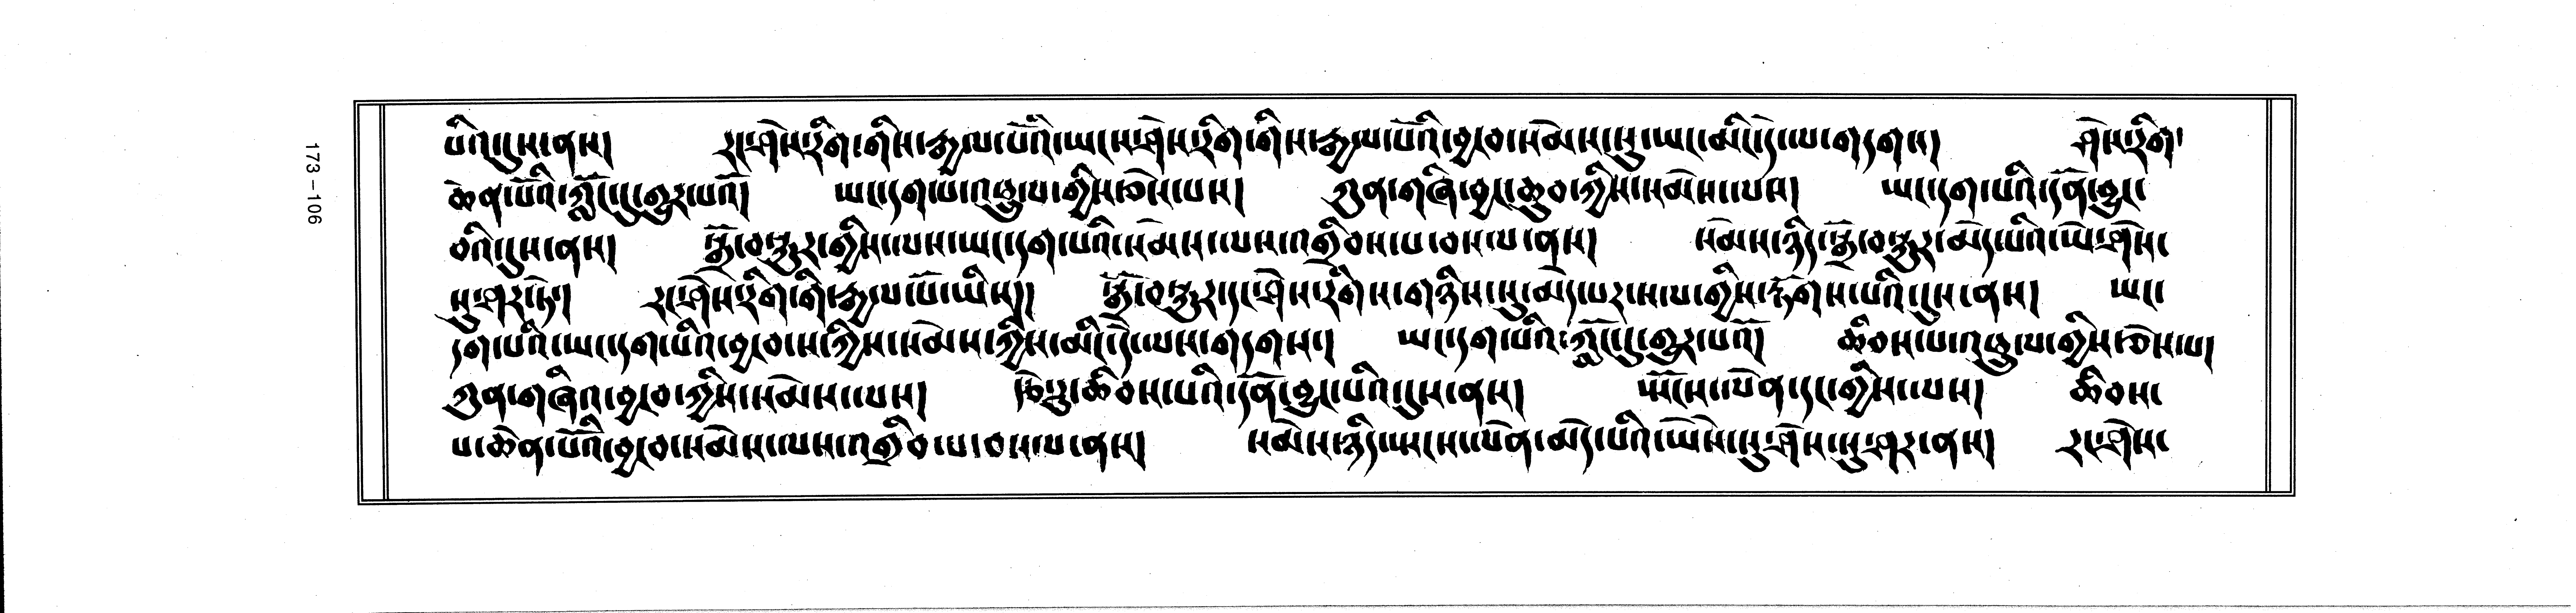པའི་དུས་ནས། རང་ཤེས་རིག་རྒྱལ་པོའི་ཡང་ཤེས་རིག་གི་རྒྱལ་པོའི་བྱང་ཆུབ་སེམས་སུ་མིང་ཡང་དེ་ལ་གདགས། ཤེས་རིག་
ཆེན་པོའི་ཀློང་དུ་གྱུར་པའོ། ཡང་དག་པ་འཕྲུལ་གྱིས་ཅེས་པས། ཀུན་གཞི་བྱང་ཆུབ་ཀྱི་སེམས་ལས། ཡང་དག་པའི་དོན་བྱུང་
བའི་དུས་ན། སྒྲོ་སྐུར་གྱི་ལས་ཡ་དག་པའི་སེམས་ལས་འགྲིབ་པ་བསལ་ནས། སེམས་ཉིད་སྒྲོ་སྐུར་མེད་པའི་ཡེ་ཤེས་
སུ་ཤར་ཏེ། རང་ཤེས་རིག་གི་རྒྱལ་པོ་ཡིས། སྒྲོ་སྐུར་དང་ཤེས་རིག་གཉིས་སུ་མེད་པར་སལ་གྱིས་རྟོགས་པའི་དུས་ན། ཡང་
དག་པའི་ཡང་དག་པའི་བྱང་ཆུབ་ཀྱིས་མིང་དེ་ལ་གདགས། ཡང་དག་པའི་ཀློང་དུ་གྱུར་པའོ། །ཆིབས་པ་འཕྲུལ་གྱིས་ཅེས་པས། 
ཀུན་གཞི་བྱང་ཆུབ་ཀྱི་སེམས་ལས། རྩེ རུ་ཆིབས་པའི་དོན་བྱུང་བའི་དུས་ན། སྤོང་ལེན་དང་གྱིས་ལས། ཆིབས་
པ་ཆེན་པའི་བྱང་ཆུབ་སེམས་ལས་འགྲིབ་པ་བསལ་ནས། སེམས་ཉིད་སྤོང་ལེན་མེད་པའི་ཡེ་ཤེས་སུ་ཤར་ནས། རང་ཤེས་